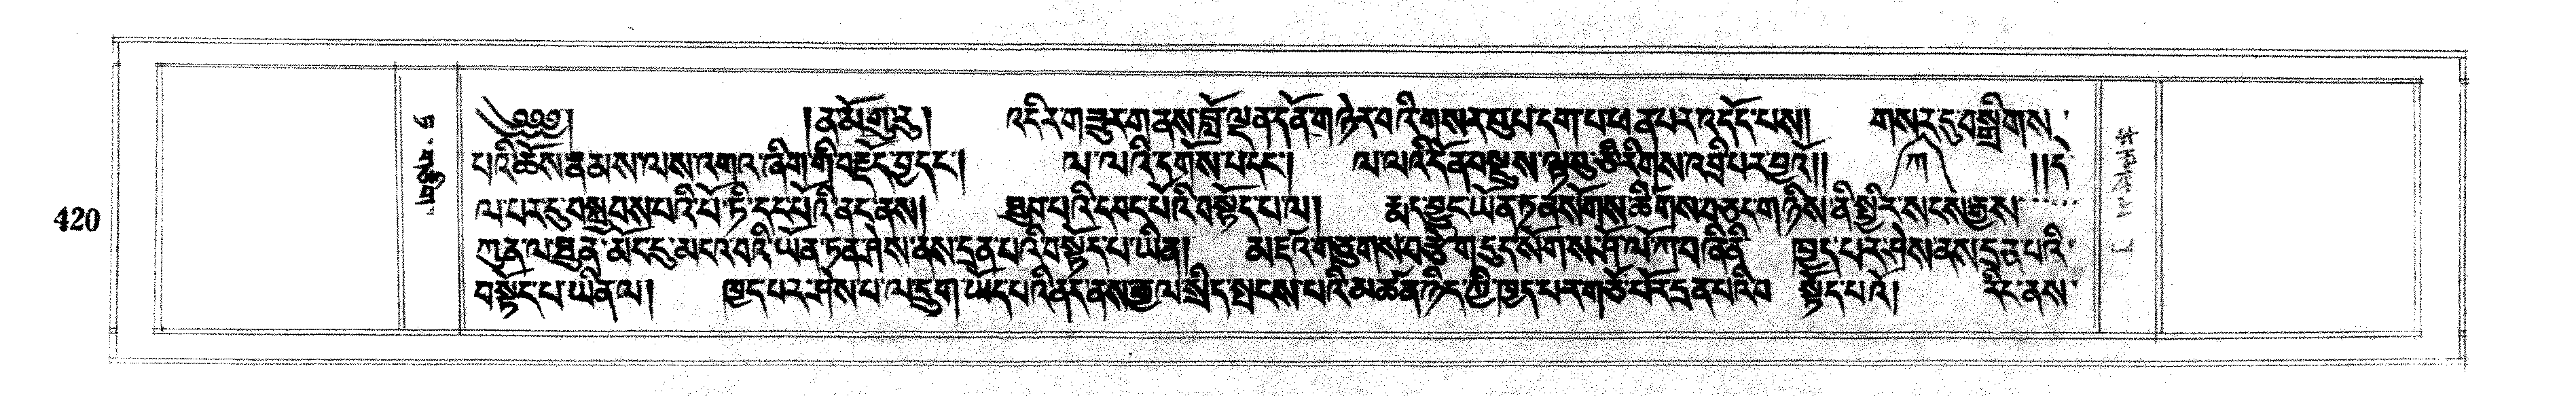༄༅༅། །ན་མོ་གུ་རུ། འདིར་གཟུར་གནས་བློ་ལྡན་དོན་གཉེར་བའི་གསར་བུ་པ་དག་པ་ཕན་པར་འདོད་པས། གསར་དུ་བསྒྲིགས།
པའི་ཆོས་རྣམས་ལས་འགའ་ཞིག་གི་བརྗོད་བྱ་དང་། ལ་ལའི་དགོས་པ་དང་། ལ་ལའི་དོན་བསྡུས་ལྟ་བུ་ཅི་རིགས་འབྲི་པར་བྱའོ།།
ཀ྄་།།དེ་
ལ་པར་དུ་བསླབས་པའི་པོ་ཏི་དང་པོའི་ནང་ནས། ཐུབ་པའི་དབང་པོའི་བསྟོད་པ་ལ། རྨད་བྱུང་ཡོན་ཏན་ཚོགས་ཚིགས་བཅད་གཉིས་ནི་སྤྱིར་སངས་རྒྱས་
ཀུན་ལ་ཐུན་མོང་དུ་མངའ་བའི་ཡོན་ཏན་ཤེས་ནས་དྲན་པའི་བསྟོད་པ་ཡིན། མཛའ་གཙུགས་བརྩེག་དུད་སོགས་ཤོ་ལོ་ཀ་བཞི་ནི་ཁྱད་པར་ཤེས་ནས་དྲན་པའི་
བསྟོད་པ་ཡིན་ལ། ཁྱད་པར་ཤེས་པ་ལ་དྲུག་ཡོད་པའི་ནང་ནས་རྒྱལ་སྲིད་སྤངས་པའི་མཚན་ཉིད་ཀྱི་ཁྱད་པར་གཙོ་པོར་དྲན་པའི་བསྟོད་པའོ། རིང་ནས་